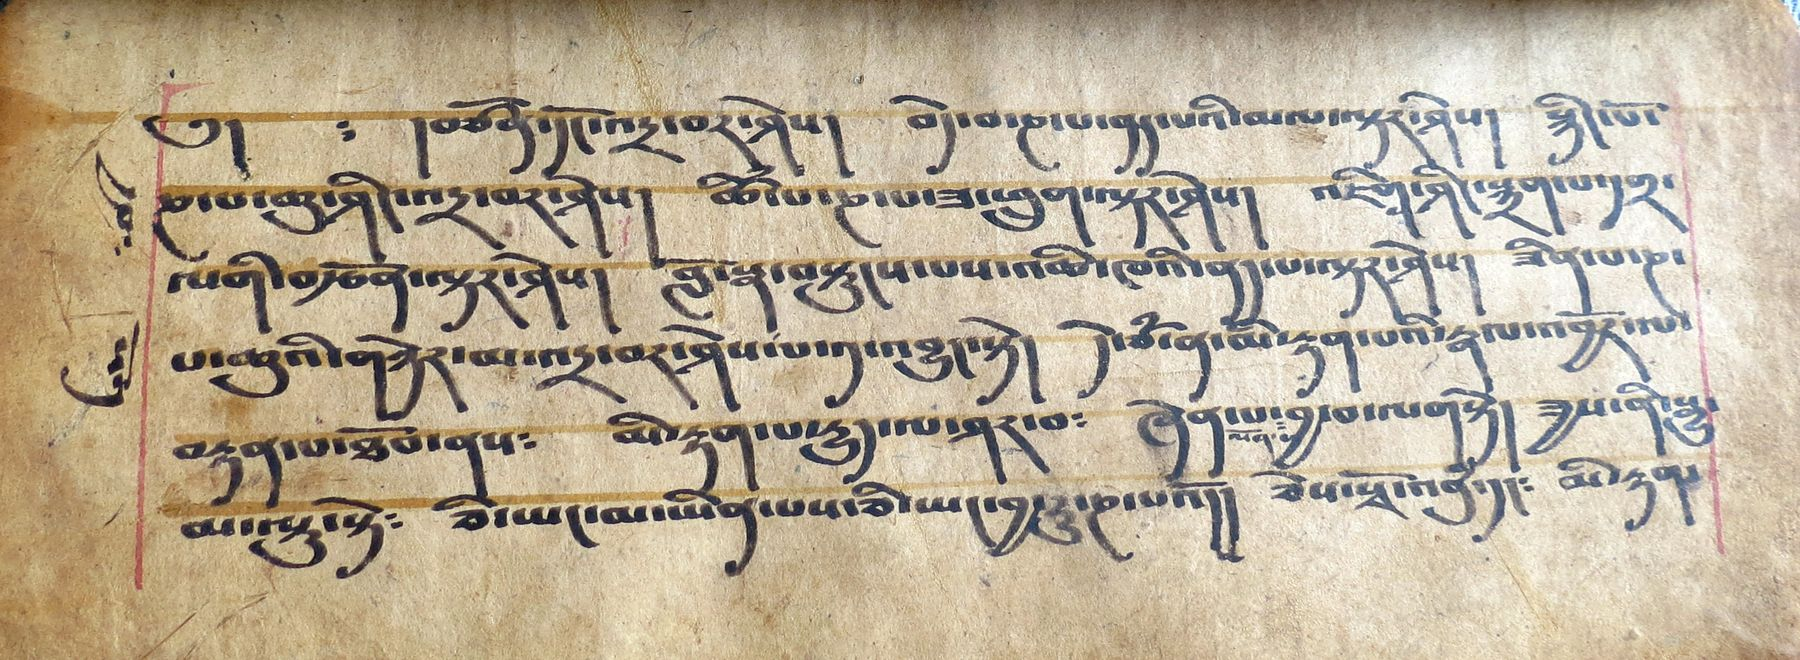བཙོན་དོང་དང་འདྲ་བར་ཤེས། སྙིང་པོ་མེད་པ་ཆུ་ཤིང་དང་འདྲ་བར་ཤེས། སྙིང་པོ་
པ་བར་ཤིང་འདྲ་བར་ཤེས། ཚིམ་པ་མེད་པ་ཟ་ཕྲུག་འདྲ་བར་ཤེས། འཇིགས་ཤིང་སྐྲག་པ་དགྲ་
ལག་གི་བཙོན་ལྟར་ཤེས། བློ་སྣ་བསྟུང་བ་འཆི་ཁའི་ནད་པ་འདྲ་བར་ཤེས། ཟིན་པ་མེད་
པ་ཆུའི་གཉེར་མ་འདྲ་བར་ཤེས་པ་ཞིག་འབྱུང་སྟེ། དེ་ཙམ་ན་མི་རྟག་པའི་རྣལ་འབྱོར་ལ་
བརྟན་པ་ཐོབ་ནས། མི་རྟག་པ་རྒྱུད་ལ་ཤར་བས། ཞེན་པ་ལོག་པ་བྱ་བ་ཡིན་ཏེ། གཟུགས་ནི་སྒྱུ་
མ་ལྟ་བུ་སྟེ། ཅི་ཡང་མ་ཡིན་པས་ཅི་ཡང་བྱ་རུ་མེད་པའོ། ། ཅེས་ལ་སོགས་འབུམ་དང་། མི་རྟག་